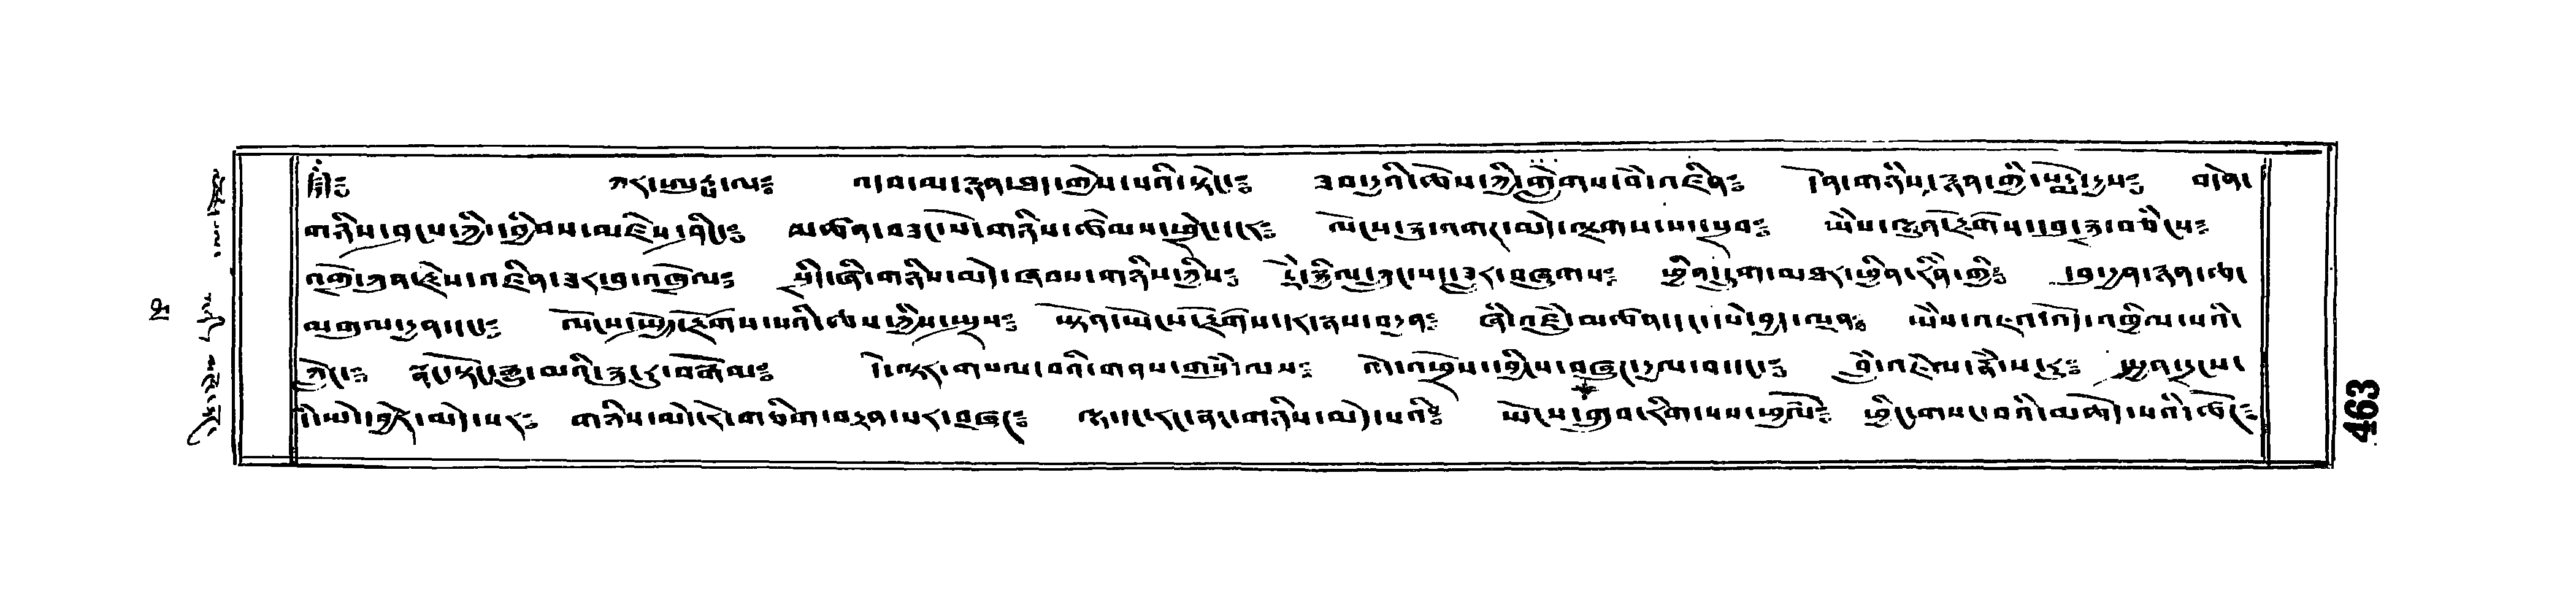ཀར་ཨུཏྤ་ལ༔ འདབ་མ་སྙན་ཐད་གྱེས་པའི་སྟེང༔ ཟབ་རྒྱའི་ཆོས་ཀྱི་གླེགས་བམ་འཛིན༔ དོན་གཉིས་སྙན་གྱི་པདྨོ་རྒྱས༔ བདེན་
གཉིས་ཤངས་ཀྱི་དབྱིབས་མཛེས་ཤིང༔ མཚན་བཟང་སོ་གཉིས་ཚེམས་ཕྲེང་དངར༔ ལོངས་སྐུ་འགགས་མེད་ལྗགས་པད་སྲབ༔ ཡེ་ཤེས་ལྷུན་རྫོགས་དབུ་སྐྲ་བཅིངས༔ 
འགྲོ་ཀུན་རྗེས་འཛིན་ཟར་བུ་འཁྲོལ༔ སྲིད་ཞི་གཉིས་མེད་ཞབས་གཉིས་ཀྱིས༔ རྡོ་རྗེ་སྐྱིལ་ཀྲུང་པད་ཟླར་བཞུགས༔ ཕྱིན་དྲུག་མཐར་ཕྱིན་རིན་ཆེན་གྱི༔ དབུ་རྒྱན་སྙན་ཆ་
མགུལ་རྒྱན་དང༔ ལོངས་སྤྱོད་རྫོགས་པའི་ཆས་ཀྱིས་སྤྲས༔ ཡོན་ཏན་ཡོངས་རྫོགས་དར་སྣས་བརྒྱན༔ ཞི་འཛུམ་མཚན་དང་དཔེ་བྱད་ལྡན༔ ཡེ་ཤེས་འཇའ་འོད་འཁྱིལ་པའི་
ཀློང༔ སྣང་སྟོང་སྒྱུ་མའི་སྐུ་རུ་བསྒོམ༔ དེ་ལྟར་གསལ་བའི་གནས་གསུམ་ལས༔ འོད་འཕྲོས་དབྱིངས་བཞུགས་རྒྱལ་བ་དང༔ བླ་མ་འཇམ་དཔལ་རྣམ་པ་རུ༔ སྤྱན་དྲངས་
དམ་ཡེ་དབྱེར་མེད་པར༔ གཉིས་མེད་རོ་གཅིག་བརྟན་པར་བཞུགས༔ ཡོངས་གྲུབ་རིག་པས་ཕྱག་འཚལ་ལོ༔ ཕྱི་ནང་གསང་བའི་མཆོད་པའི་ཚོགས༔